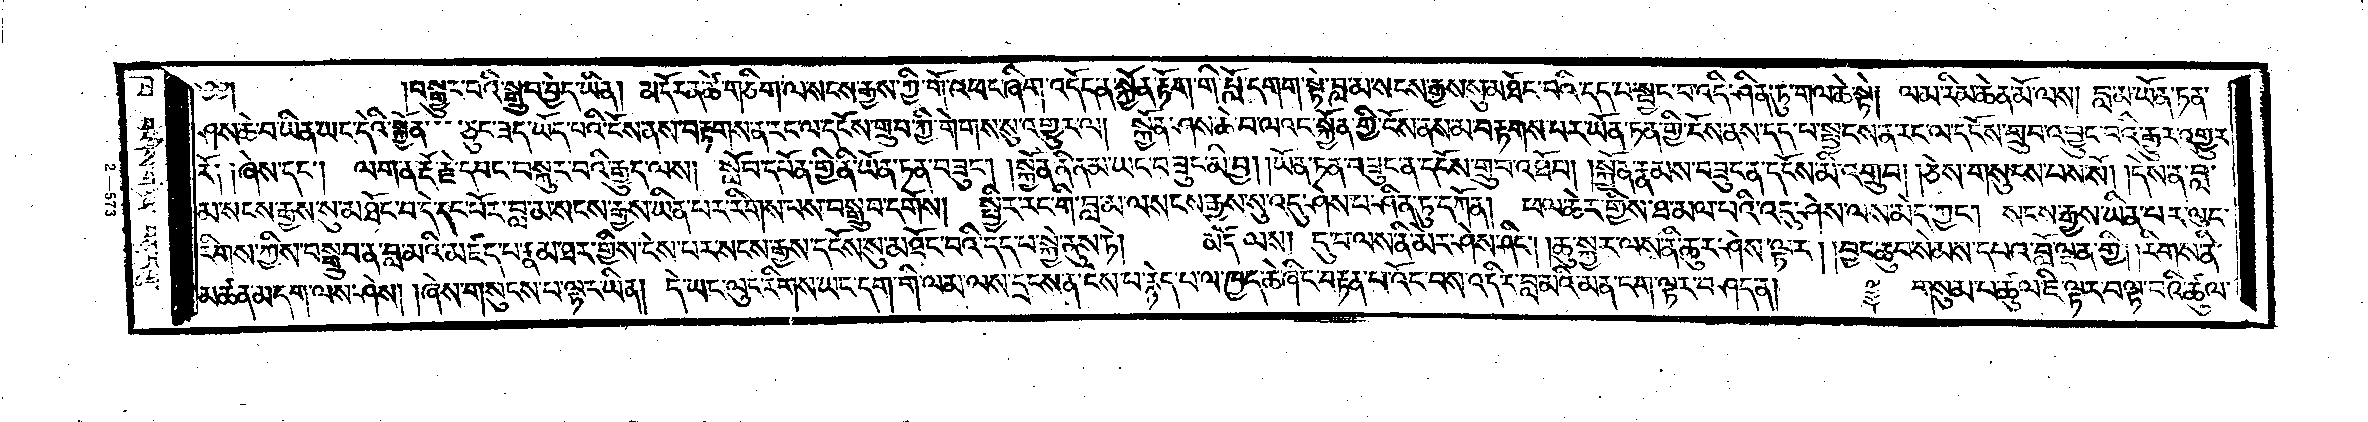༄༅། །བསྒྱུར་བའི་སྒྲུབ་བྱེད་ཡིན། མདོར་ན་ཚེ་གཅིག་ལ་སངས་རྒྱས་ཀྱི་གོ་འཕང་ཞིག་འདོད་ན་སྐྱོན་རྟོག་གི་བློ་དགག་སྟེ་བླ་མ་སངས་རྒྱས་སུ་མཐོང་བའི་དད་པ་སྦྱང་བ་འདི་ཤིན་ཏུ་གལ་ཆེ་སྟེ། ལམ་རིམ་ཆེན་མོ་ལས། བླ་མ་ཡོན་ཏན་
ཤས་ཆེ་བ་ཡིན་ཡང་དེའི་སྐྱོན་ཅུང་ཟད་ཡོད་པའི་ངོས་ནས་བརྟགས་ན་རང་ལ་དངོས་གྲུབ་ཀྱི་གེགས་སུ་འགྱུར་ལ། སྐྱོན་ཤས་ཆེ་པ་ལའང་སྐྱོན་གྱི་ངོས་ནས་མ་བརྟགས་པར་ཡོན་ཏན་གྱི་ངོས་ནས་དད་པ་སྦྱངས་ན་རང་ལ་དངོས་གྲུབ་འབྱུང་བའི་རྒྱུར་འགྱུར་
རོ༑ ༑ཞེས་དང་། ལག་ན་རྡོ་རྗེ་དབང་བསྐུར་བའི་རྒྱུད་ལས། སློབ་དཔོན་གྱི་ནི་ཡོན་ཏན་བཟུང་། །སྐྱོན་ནི་ནམ་ཡང་བཟུང་མི་བྱ། །ཡོན་ཏན་བཟུང་ན་དངོས་གྲུབ་འཐོབ། །སྐྱོན་རྣམས་བཟུང་ན་དངོས་མི་འགྲུབ། །ཅེས་གསུངས་པས་སོ། །དེས་ན་བླ་
མ་སངས་རྒྱས་སུ་མཐོང་པ་དེ་དང་པོར་བླ་མ་སངས་རྒྱས་ཡིན་པར་རིགས་པས་བསྒྲུབ་དགོས། སྤྱིར་རང་གི་བླ་མ་ལ་སངས་རྒྱས་སུ་འདུ་ཤེས་པ་ཤིན་ཏུ་དཀོན། ཕལ་ཆེར་གྱིས་ཐ་མལ་པའི་འདུ་ཤེས་ལས་མེད་ཀྱང་། སངས་རྒྱས་ཡིན་པར་ལུང་
རིགས་ཀྱིས་བསྒྲུབ་ན་བླ་མའི་མཛད་པ་རྣམ་ཐར་གྱིས་ངེས་པར་སངས་རྒྱས་དངོས་སུ་མཐོང་བའི་དད་པ་སྐྱེ་ནུས་ཏེ། མདོ་ལས། དུ་པ་ལས་ནི་མེར་ཤེས་ཤིང་། །ཆུ་སྐྱར་ལས་ནི་ཆུར་ཤེས་ལྟར། །བྱང་ཆུབ་སེམས་དཔའ་བློ་ལྡན་གྱི། །རིགས་ནི་
མཚན་མ་དག་ལས་ཤེས། །ཞེས་གསུངས་པ་ལྟར་ཡིན། དེ་ཡང་ལུང་རིགས་ཡང་དག་གི་ལམ་ལས་དྲངས་ན་ངེས་པ་རྙེད་པ་ལ་ཁྱད་ཆེ་ཞིང་བརྟན་པ་འོང་བས་འདིར་བླ་མའི་མན་ངག་ལྟར་བཤད་ན། ༈ གསུམ་པ་ཚུལ་ཇི་ལྟར་བལྟ་བའི་ཚུལ་